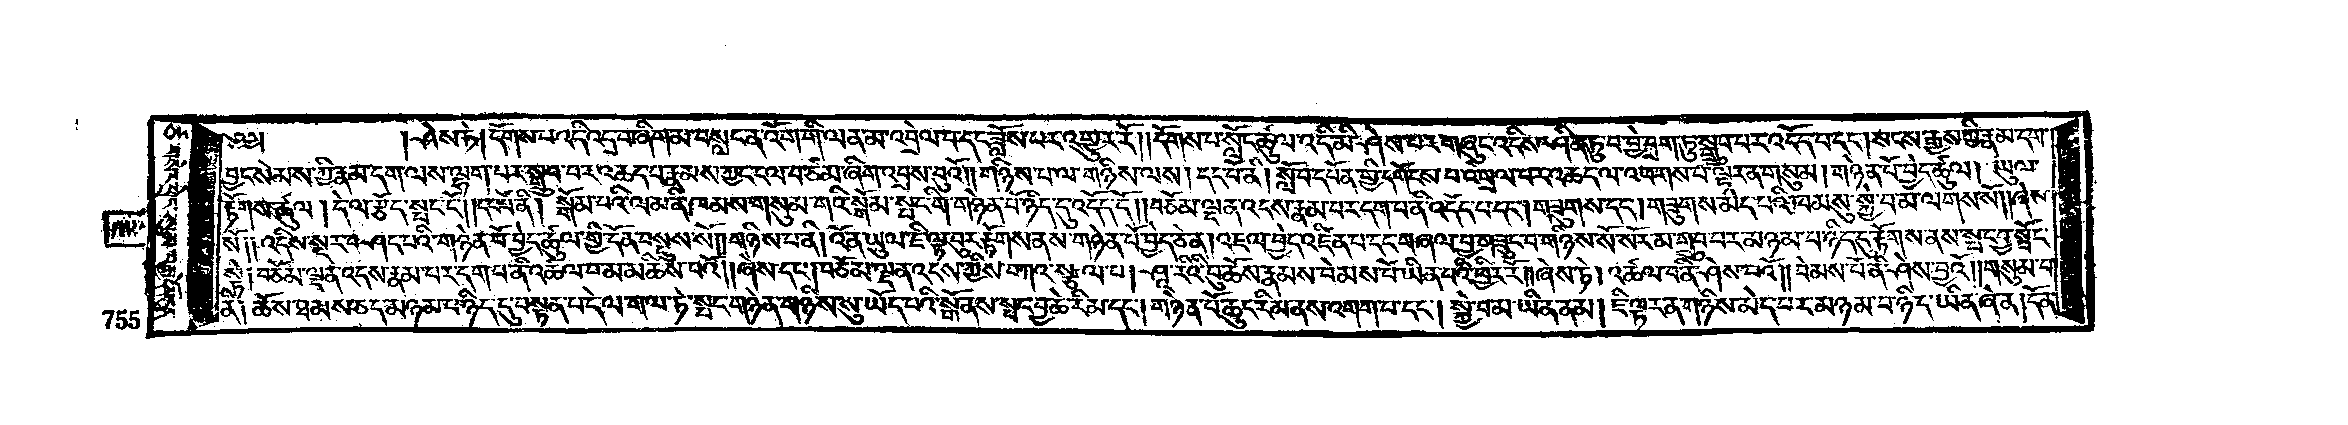༄༅། །ཤེས་ཏེ། དོགས་པ་འདི་འདྲ་བ་ཞིག་མ་བསླང་ན་འོག་གི་ལན་མ་འབྲེལ་བ་དང་ཟློས་པར་འགྱུར་རོ། །དོགས་པ་སློང་ཚུལ་འདི་མི་ཤེས་པར་གཞུང་འདིས་ཤིན་ཏུ་བ་བྱེ་བྲག་ཏུ་སྒྲུབ་པར་འདོད་པ་དང་། སངས་རྒྱས་ཀྱི་རྣམ་དག་
བྱང་སེམས་ཀྱི་རྣམ་དག་ལས་ལྷག་པར་སྒྲུབ་པར་འཆད་པ་རྣམས་ཀྱང་ངལ་བ་ཙམ་ཞིག་འབྲས་བུའོ། །གཉིས་པ་ལ་གཉིས་ལས། དང་པོ་ནི། སློབ་དཔོན་གྱི་དགོངས་པ་འགྲེལ་པར་འཆད་ལ་འཕགས་པ་ལྟར་ན་གསུམ། གཉེན་པོ་བྱེད་ཚུལ། ཡུལ་
རྟོགས་ཚུལ། དེ་ལ་རྩོད་སྤང་ངོ། །དང་པོ་ནི། སྒོམ་པའི་ལམ་ནི་ཁམས་གསུམ་གའི་སྒོམ་སྤང་གི་གཉེན་པོ་ཉིད་དུ་འདོད་དོ། །བཅོམ་ལྡན་འདས་རྣམ་པར་དག་པ་ནི་འདོད་པ་དང་། གཟུགས་དང་། གཟུགས་མེད་པའི་ཁམས་སུ་སྐྱེ་བ་མ་ལགས་སོ། །ཞེས་
སོ། །འདིས་སྔར་བཤད་པའི་གཉེན་པོ་བྱེད་ཚུལ་གྱི་དོན་བསྡུས་སོ། །གཉིས་པ་ནི། འོ་ན་ཡུལ་ཇི་ལྟ་བུར་རྟོགས་ནས་གཉེན་པོ་བྱེད་ཅེ་ན། འཇལ་བྱེད་འཛིན་པ་དང་གཞལ་བྱ་གཟུང་བ་གཉིས་སོ་སོར་མ་གྲུབ་པར་མཉམ་པ་ཉིད་དུ་རྟོགས་ནས་སྤང་བྱ་སྤོང་
སྟེ། བཅོམ་ལྡན་འདས་རྣམ་པར་དག་པ་ནི་འཚལ་བ་མ་མཆིས་པའོ། །ཞེས་དང་། བཅོམ་ལྡན་འདས་ཀྱིས་བཀའ་སྩལ་པ། ཤཱ་རིའི་བུ་ཆོས་རྣམས་བེམས་པོ་ཡིན་པའི་ཕྱིར་རོ། །ཞེས་ཏེ། འཚལ་བ་ནི་ཤེས་པའོ། །བེམས་པོ་ནི་ཤེས་བྱའོ། །གསུམ་པ་
ནི། ཆོས་ཐམས་ཅད་མཉམ་པ་ཉིད་དུ་བསྟན་པ་དེ་ལ་གལ་ཏེ་སྤང་གཉེན་གཉིས་སུ་ཡོད་པའི་སྒོ་ནས་སྤང་བྱ་ཆེ་རིམ་དང་། གཉེན་པོ་ཆུང་རིམ་ནས་འགག་པ་དང་། སྐྱེ་བ་མ་ཡིན་ནམ། ཇི་ལྟར་ན་གཉིས་མེད་པར་མཉམ་པ་ཉིད་ཡིན་ཞེ་ན། དོན་